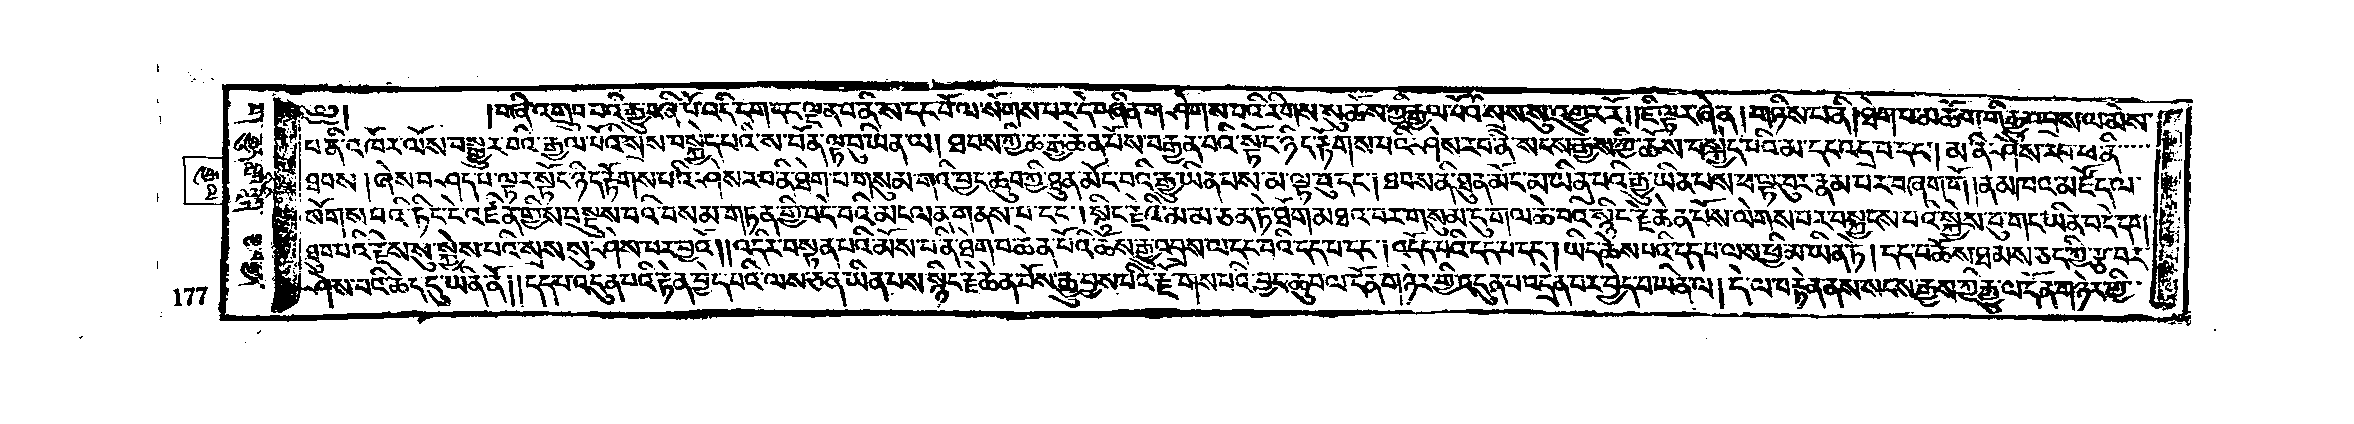༄༅། །བཞི་འགྲུབ་པའི་རྒྱུ་བཞི་པོ་འདི་དག་དང་ལྡན་པ་ནི་ས་དང་པོ་ལ་སོགས་པར་དེ་བཞིན་གཤེགས་པའི་རིགས་སུ་ཆོས་ཀྱི་རྒྱལ་པོའི་སྲས་སུ་འགྱུར་རོ། །ཇི་ལྟར་ཞེ་ན། གཉིས་པ་ནི། ཐེག་པ་མཆོག་གི་རྒྱུ་འབྲས་ལ་མེས་
པ་ནི་འཁོར་ལོས་བསྒྱུར་བའི་རྒྱལ་པོའི་སྲས་བསྐྱེད་པའི་ས་བོན་ལྟ་བུ་ཡིན་ལ། ཐབས་ཀྱི་ཆ་རྒྱ་ཆེན་པོས་བརྒྱན་པའི་སྟོང་ཉིད་རྟོགས་པའི་ཤེས་རབ་ནི་སངས་རྒྱས་ཀྱི་ཆོས་བསྐྱེད་པའི་མ་དང་འདྲ་བ་དང་། མ་ནི་ཤེས་རབ་ཕ་ནི་
ཐབས། ཞེས་བཤད་པ་ལྟར་སྟོང་ཉིད་རྟོགས་པའི་ཤེས་རབ་ནི་ཐེག་པ་གསུམ་གའི་བྱང་ཆུབ་ཀྱི་ཐུན་མོང་བའི་རྒྱུ་ཡིན་པས་མ་ལྟ་བུ་དང་། ཐབས་ནི་ཐུན་མོང་མ་ཡིན་པའི་རྒྱུ་ཡིན་པས་ཕ་ལྟ་བུར་རྣམ་པར་བཞག་གོ །ནམ་མཁའ་མཛོད་ལ་
སོགས་པའི་ཏིང་ངེ་འཛིན་གྱིས་བསྡུས་པའི་བསམ་གཏན་གྱི་བདེ་བའི་མངལ་ན་གནས་པ་དང་། སྙིང་རྗེའི་མ་མ་ཅན་ཏེ་ཐོག་མཐའ་བར་གསུམ་དུ་གལ་ཆེ་བའི་སྙིང་རྗེ་ཆེན་པོས་ལེགས་པར་བསྐྱངས་པའི་སྐྱེས་བུ་གང་ཡིན་པ་དེ་དག་
ཐུབ་པའི་རྗེས་སུ་སྐྱེས་པའི་སྲས་སུ་ཤེས་པར་བྱའོ། །འདིར་བསྟན་པའི་མོས་པ་ནི་ཐེག་པ་ཆེན་པོའི་ཆོས་རྒྱུ་འབྲས་ལ་དང་བའི་དད་པ་དང་། འདོད་པའི་དད་པ་དང་། ཡིད་ཆེས་པའི་དད་པ་ལས་ཕྱི་མ་ཡིན་ཏེ། དད་པ་ཆོས་ཐམས་ཅད་ཀྱི་རྩ་བར་
ཤེས་པའི་ཆེད་དུ་ཡིན་ནོ། །དད་པ་འདུན་པའི་རྟེན་བྱེད་པའི་ལས་ཅན་ཡིན་པས་སྙིང་རྗེ་ཆེན་པོས་རྒྱུ་བྱས་པའི་རྫོགས་པའི་བྱང་ཆུབ་ལ་དོན་གཉེར་གྱི་འདུན་པ་འདྲེན་པར་བྱེད་པ་ཡིན་ལ། དེ་ལ་བརྟེན་ནས་སངས་རྒྱས་ཀྱི་རྒྱུ་ལ་དོན་གཉེར་གྱི་